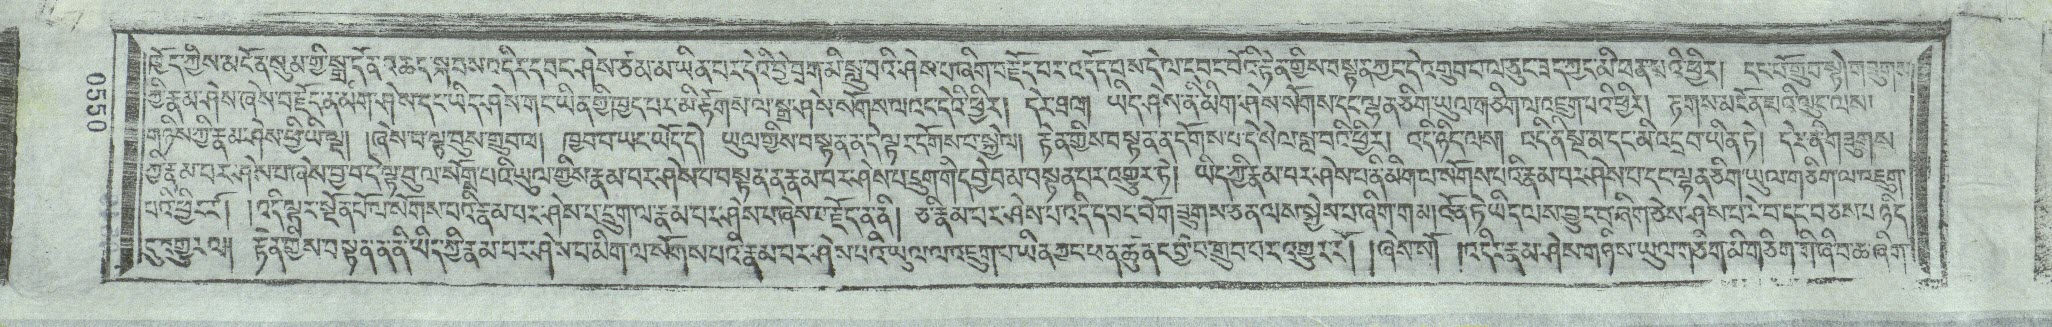ཁྱོད་ཀྱིས་མངོན་སུམ་གྱི་སྒྲ་དོན་འཆད་སྐབས་འདིར་དབང་ཤེས་ཙམ་མ་ཡིན་པར་དེའི་བྱེ་བྲག་མི་སླུ་བའི་ཤེས་པ་ཞིག་བརྗོད་པར་འདོད་པས་དེ་ལ་དབང་པོའི་རྟེན་གྱིས་བསྟན་ཀྱང་དེ་འགྲུབ་པ་ལ་ཅུང་ཟད་ཀྱང་མི་ཕན་པའི་ཕྱིར། དང་པོ་གྲུབ་སྟེ། གཟུགས་
ཀྱི་རྣམ་ཤེས་ཞེས་བརྗོད་ན་མིག་ཤེས་དང་ཡིད་ཤེས་གང་ཡིན་གྱི་ཁྱད་པར་མི་རྟོགས་ལ་སྒྲ་ཤེས་སོགས་ལའང་དེའི་ཕྱིར། དེར་ཐལ། ཡིད་ཤེས་ནི་མིག་ཤེས་སོགས་དང་ལྷན་ཅིག་ཡུལ་གཅིག་ལ་འཇུག་པའི་ཕྱིར། རྟག་མངོན་པའི་ལུང་ལས།
གཉིས་ཀྱི་རྣམ་ཤེས་ཕྱི་ཡི་ལྔ། །ཞེས་པ་ལྟ་བུས་གྲུབ་ལ། ཁྱབ་པ་ཡང་ཡོད་དེ། ཡུལ་གྱིས་བསྟན་ན་དེ་ལྟར་དགོས་པ་སྐྱེ་ལ། རྟེན་གྱིས་བསྟན་ན་དོགས་པ་དེ་སེལ་སླ་བའི་ཕྱིར། འདི་ཉིད་ལས། འདི་ནི་སྔ་མ་དང་མི་འདྲ་བ་ཡིན་ཏེ། དེར་ནི་གཟུགས་
ཀྱི་རྣམ་པར་ཤེས་པ་ཞེས་བྱ་བ་དེ་ལྟ་བུ་ལ་སོགས་པའི་ཡུལ་གྱིས་རྣམ་པར་ཤེས་པ་བསྟན་ན་རྣམ་པར་ཤེས་པ་དྲུག་གི་དབྱེ་བ་མ་བསྟན་པར་འགྱུར་ཏེ། ཡིད་ཀྱི་རྣམ་པར་ཤེས་པ་ནི་མིག་ལ་སོགས་པའི་རྣམ་པར་ཤེས་པ་དང་ལྷན་ཅིག་ཡུལ་གཅིག་ལ་འཇུག་
པའི་ཕྱིར་རོ། །འདི་ལྟར་སྔོན་པོ་ལ་སོགས་པའི་རྣམ་པར་ཤེས་པ་དྲུག་ལ་རྣམ་པར་ཤེས་པ་ཞེས་བརྗོད་ན་ནི། ཅི་རྣམ་པར་ཤེས་པ་འདི་དབང་པོ་གཟུགས་ཅན་ལས་སྐྱེས་པ་ཞིག་གམ། འོན་ཏེ་ཡིད་ལས་བྱུང་བ་ཞིག་ཅེས་ཤེས་པ་རེ་བ་དང་བཅས་པ་ཉིད་
དུ་འགྱུར་ལ། རྟེན་གྱིས་བསྟན་ན་ནི་ཡིད་ཀྱི་རྣམ་པར་ཤེས་པ་མིག་ལ་སོགས་པའི་རྣམ་པར་ཤེས་པའི་ཡུལ་ལ་འཇུག་པ་ཡིན་ཀྱང་ཕན་ཚུན་དབྱེ་བ་གྲུབ་པར་འགྱུར་རོ། །ཞེས་སོ། །འདིར་རྣམ་ཤེས་གཉིས་ཡུལ་གཅིག་མི་གཅིག་གི་ཞི་བ་ཆ་ཞིག་